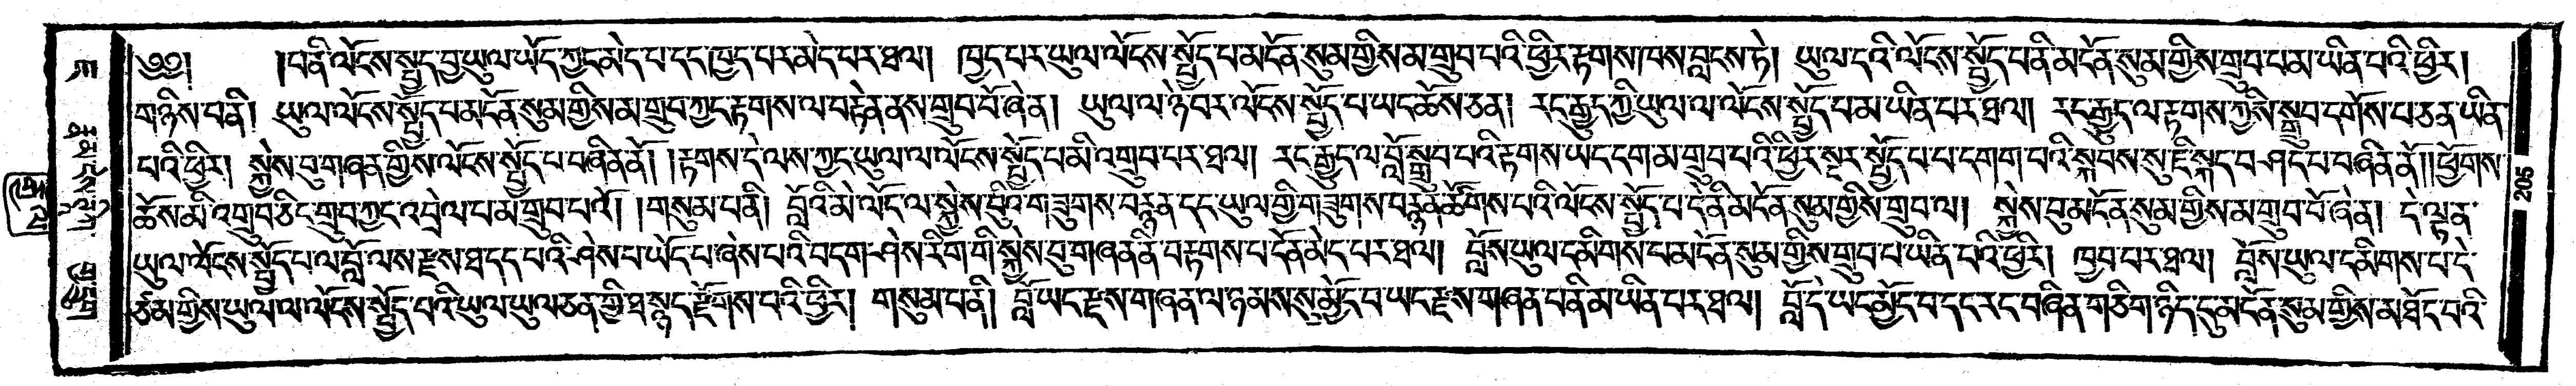༄༅། །པ་ནི་ལོངས་སྤྱད་བྱ་ཡུལ་ཡོད་ཀྱང་མེད་པ་དང་ཁྱད་པར་མེད་པར་ཐལ། ཁྱད་པར་ཡུལ་ལོངས་སྤྱོད་པ་མངོན་སུམ་གྱིས་མ་གྲུབ་པའི་ཕྱིར་རྟགས་ཁས་བླངས་ཏེ། ཡུལ་དའི་ལོངས་སྤྱོད་པ་ནི་མངོན་སུམ་གྱིས་གྲུབ་པ་མ་ཡིན་པའི་ཕྱིར།
གཉིས་པ་ནི། ཡུལ་ལོངས་སྤྱོད་པ་མངོན་སུམ་གྱིས་མ་གྲུབ་ཀྱང་རྟགས་ལ་བརྟེན་ནས་གྲུབ་བོ་ཞེ་ན། ཡུལ་ལ་ཉེ་བར་ལོངས་སྤྱོད་པ་ཡང་ཆོས་ཅན། རང་རྒྱུད་ཀྱི་ཡུལ་ལ་ལོངས་སྤྱོད་པ་མ་ཡིན་པར་ཐལ། རང་རྒྱུད་ལ་རྟགས་ཀྱིས་སྒྲུབ་དགོས་པ་ཅན་ཡིན་
པའི་ཕྱིར། སྐྱེས་བུ་གཞན་གྱིས་ལོངས་སྤྱོད་པ་བཞིན་ནོ། །རྟགས་དེ་ལས་ཀྱང་ཡུལ་ལ་ལོངས་སྤྱོད་པ་མི་འགྲུབ་པར་ཐལ། རང་རྒྱུད་ལ་བློ་སྒྲུབ་པའི་རྟགས་ཡང་དག་མ་གྲུབ་པའི་ཕྱིར་སྔར་སྤྱོད་པ་པ་དགག་པའི་སྐབས་སུ་ཇི་སྐད་བཤད་པ་བཞིན་ནོ། །ཕྱོགས་
ཆོས་མི་འགྲུབ་ཅིང་གྲུབ་ཀྱང་འབྲེལ་པ་མ་གྲུབ་པའོ། །གསུམ་པ་ནི། བློའི་མེ་ལོང་ལ་སྐྱེས་བུའི་གཟུགས་བརྙན་དང་ཡུལ་གྱི་གཟུགས་བརྙན་ཚོགས་པའི་ལོངས་སྤྱོད་པ་དེ་ནི་མངོན་སུམ་གྱིས་གྲུབ་ལ། སྐྱེས་བུ་མངོན་སུམ་གྱིས་མ་གྲུབ་བོ་ཞེ་ན། དེ་ལྟ་ན་
ཡུལ་ལོངས་སྤྱོད་པ་ལ་བློ་ལས་རྫས་ཐ་དད་པའི་ཤེས་པ་ཡོད་པ་ཞེས་པའི་བདག་ཤེས་རིག་གི་སྐྱེས་བུ་གཞན་ནི་བརྟགས་པ་དོན་མེད་པར་ཐལ། བློས་ཡུལ་དམིགས་པ་མངོན་སུམ་གྱིས་གྲུབ་པ་ཡིན་པའི་ཕྱིར། ཁྱབ་པར་ཐལ། བློས་ཡུལ་དམིགས་པ་དེ་
ཙམ་གྱིས་ཡུལ་ལ་ལོངས་སྤྱོད་པའི་ཡུལ་ཡུལ་ཅན་གྱི་ཐ་སྙད་རྫོགས་པའི་ཕྱིར། གསུམ་པ་ནི། བློ་ཡང་རྫས་གཞན་ལ་ཉམས་སུ་མྱོང་བ་ཡང་རྫས་གཞན་པ་ནི་མ་ཡིན་པར་ཐལ། བློ་དེ་ཡང་མྱོང་བ་དང་རང་བཞིན་གཅིག་ཉིད་དུ་མངོན་སུམ་གྱིས་མཐོང་བའི་